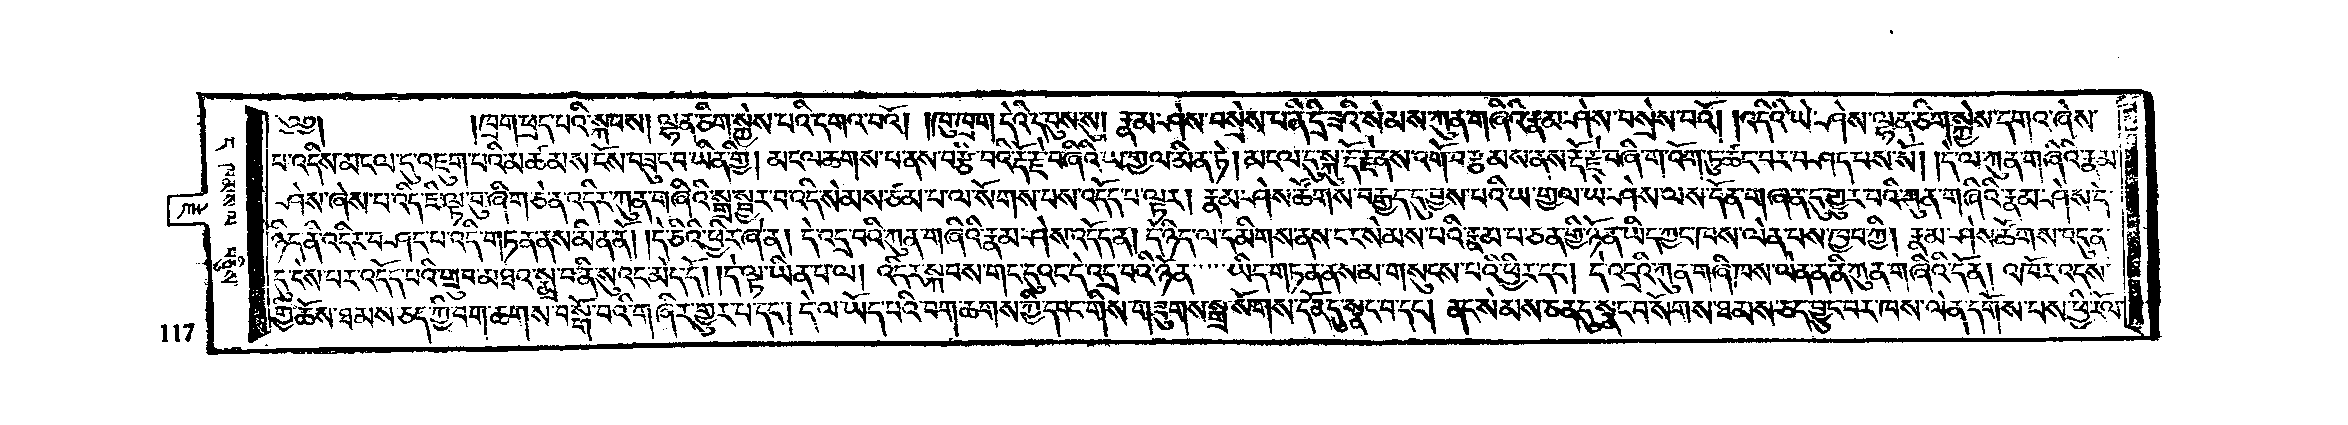༄༅། །ཁྲག་ཕྲད་པའི་སྐབས། ལྷན་ཅིག་སྐྱེས་པའི་དགའ་བའོ། །ཁུ་ཁྲག་དེའི་དབུས་སུ། རྣམ་ཤེས་བསྲེས་པ་ནི་དྲི་ཟའི་སེམས་ཀུན་གཞིའི་རྣམ་ཤེས་བསྲེས་པའོ། །འདིའི་ཡེ་ཤེས་ལྷན་ཅིག་སྐྱེས་དགའ་ཞེས་
པ་འདིས་མངལ་དུ་འཇུག་པའི་མཚམས་ངོས་བཟུང་བ་ཡིན་གྱི། མངལ་ཆགས་པ་ནས་བརྩི་བའི་རྡོ་རྗེ་བཞིའི་ཡ་གྱལ་མིན་ཏེ། མངལ་དུ་སྐུ་རྡོ་རྗེ་ནས་འགོ་བརྩམས་ནས་རྡོ་རྗེ་བཞི་ག་འོག་ཏུ་ཚང་བར་བཤད་པས་སོ། །དེ་ལ་ཀུན་གཞིའི་རྣམ་
ཤེས་ཞེས་པ་འདི་ཇི་ལྟ་བུ་ཞིག་ཅེ་ན་འདིར་ཀུན་གཞིའི་སྒྲ་སྦྱར་བ་འདི་སེམས་ཙམ་པ་ལ་སོགས་པས་འདོད་པ་ལྟར། རྣམ་ཤེས་ཚོགས་བརྒྱད་དུ་བྱས་པའི་ཡ་གྱལ་ཡེ་ཤེས་ལས་དོན་གཞན་དུ་གྱུར་པའི་ཀུན་གཞིའི་རྣམ་ཤེས་དེ་
ཉིད་ནི་འདིར་བཤད་པ་འདི་གཏན་ནས་མིན་ནོ། །དེ་ཅིའི་ཕྱིར་ཞེ་ན། དེ་འདྲ་བའི་ཀུན་གཞིའི་རྣམ་ཤེས་འདོད་ན། དེ་ཉིད་ལ་དམིགས་ནས་ངར་?་སེམས་པའི་རྣམ་པ་ཅན་གྱི་ཉོན་ཡིད་ཀྱང་ཁས་ལེན་པས་ཁྱབ་ཀྱི། རྣམ་ཤེས་ཚོགས་བདུན་
དུ་ངེས་པར་འདོད་པའི་གྲུབ་མཐའ་སྨྲ་བ་ནི་སུའང་མེད་དོ། །དེ་ལྟ་ཡིན་པ་ལ། འདིར་སྐབས་གང་དུའང་དེ་འདྲ་བའི་ཉོན་ཡིད་གཏན་ནས་མ་གསུངས་པའི་ཕྱིར་དང་། དེ་འདྲའི་ཀུན་གཞི་ཁས་ལེན་ན་ནི་ཀུན་གཞིའི་དོན། འཁོར་འདས་
གྱི་ཆོས་ཐམས་ཅད་ཀྱི་བག་ཆགས་བསྒོ་བའི་གཞིར་གྱུར་པ་དང་། དེ་ལ་ཡོད་པའི་བག་ཆགས་ཀྱི་དབང་གིས་གཟུགས་སྒྲ་སོགས་དོན་དུ་སྣང་བ་དང་། ནང་སེམས་ཅན་དུ་སྣང་བ་སོགས་ཐམས་ཅད་བྱུང་བར་ཁས་ལེན་དགོས་པས་ཕྱི་རོལ་